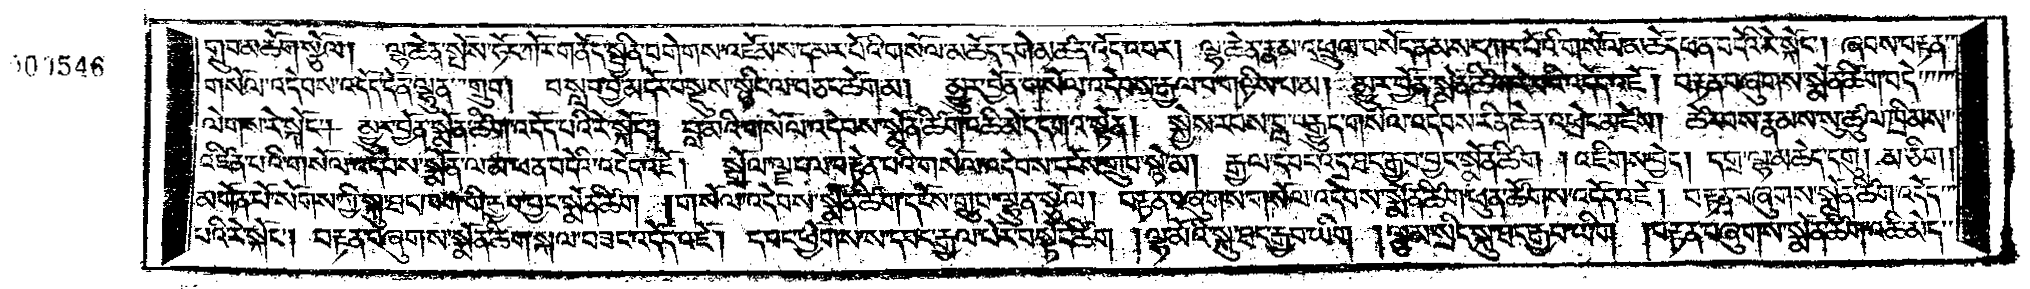གྲུབ་མཆོག་སྩོལ། ལྷ་ཆེན་སྤོས་ཧོང་ཀོར་གནོད་སྦྱིན་བགེགས་འཇོམས་དམར་པོའི་གསོལ་མཆོད་དགེ་མཚན་འོད་འབར། ལྷ་ཆེན་རྣམ་འཕྲུལ་བསོད་ནམས་དཀར་པོའི་གསོལ་མཆོད་ཕན་བདེའི་རེ་སྐོང་། ཞབས་བརྟན་
གསོལ་འདེབས་འདོད་དོན་ལྷུན་གྲུབ། བསླབ་བྱ་མདོར་བསྡུས་སྙིང་ལ་བཅང་ཆོག་མ། མྱུར་བྱོན་གསོལ་འདེབས་རྒྱལ་བ་གཉིས་པ་མ། མྱུར་བྱོན་སྨོན་ཚིག་རེ་བའི་འདོད་འཇོ། བརྟན་བཞུགས་སྨོན་ཚིག་བདེ་
ལེགས་རེ་སྐོང་། མྱུར་བྱོན་སྨོན་ཚིག་འདོད་པའི་རེ་སྐོང་། བླ་མའི་གསོལ་འདེབས་སྨོན་ཚིག་འཆི་མེད་དགའ་སྟོན། སྐྱེས་རབས་བླ་བརྒྱུད་གསོལ་འདེབས་རིན་ཆེན་འཕྲེང་མཛེས། ཚེ་རབས་རྣམས་སུ་ཚུལ་ཁྲིམས་
འཛིན་པའི་གསོལ་འདེབས་སྨོན་ལམ་ཕན་བདེའི་འདོད་འཇོ། སྒྲོལ་ལྗང་ལ་བརྟེན་པའི་གསོལ་འདེབས་དངོས་གྲུབ་སྙེ་མ། རྒྱལ་དབང་འདྲ་ཐང་རྒྱབ་བྱང་སྨོན་ཚིག །འཇིགས་བྱེད། དགྲ་ལྷ་མཆེད་དགུ། མ་ཅིག །
མགོན་པོ་སོགས་ཀྱི་སྐུ་ཐང་ཁག་གི་རྒྱབ་བྱང་སྨོན་ཚིག །གསོལ་འདེབས་སྨོན་ཚིག་དངོས་གྲུབ་ལྷུན་སྩོལ། བརྟན་བཞུགས་གསོལ་འདེབས་སྨོན་ཚིག་ཕུན་ཚོགས་འདོད་འཇོ། བརྟན་བཞུགས་སྨོན་ཚིག་འདོད་
པའི་རེ་སྐོང་། བརྟན་བཞུགས་སྨོན་ཚིག་སྐལ་བཟང་འདོད་འཇོ། དབང་ཕྱོགས་ས་དབང་རྒྱལ་པོར་བསྟོད་ཚིག །ལྷ་མོའི་སྐུ་ཐང་རྒྱབ་ཡིག །ལྕམ་སྲིད་སྐུ་ཐང་རྒྱབ་ཡིག །བརྟན་བཞུགས་སྨོན་ཚིག་འཆི་མེད་